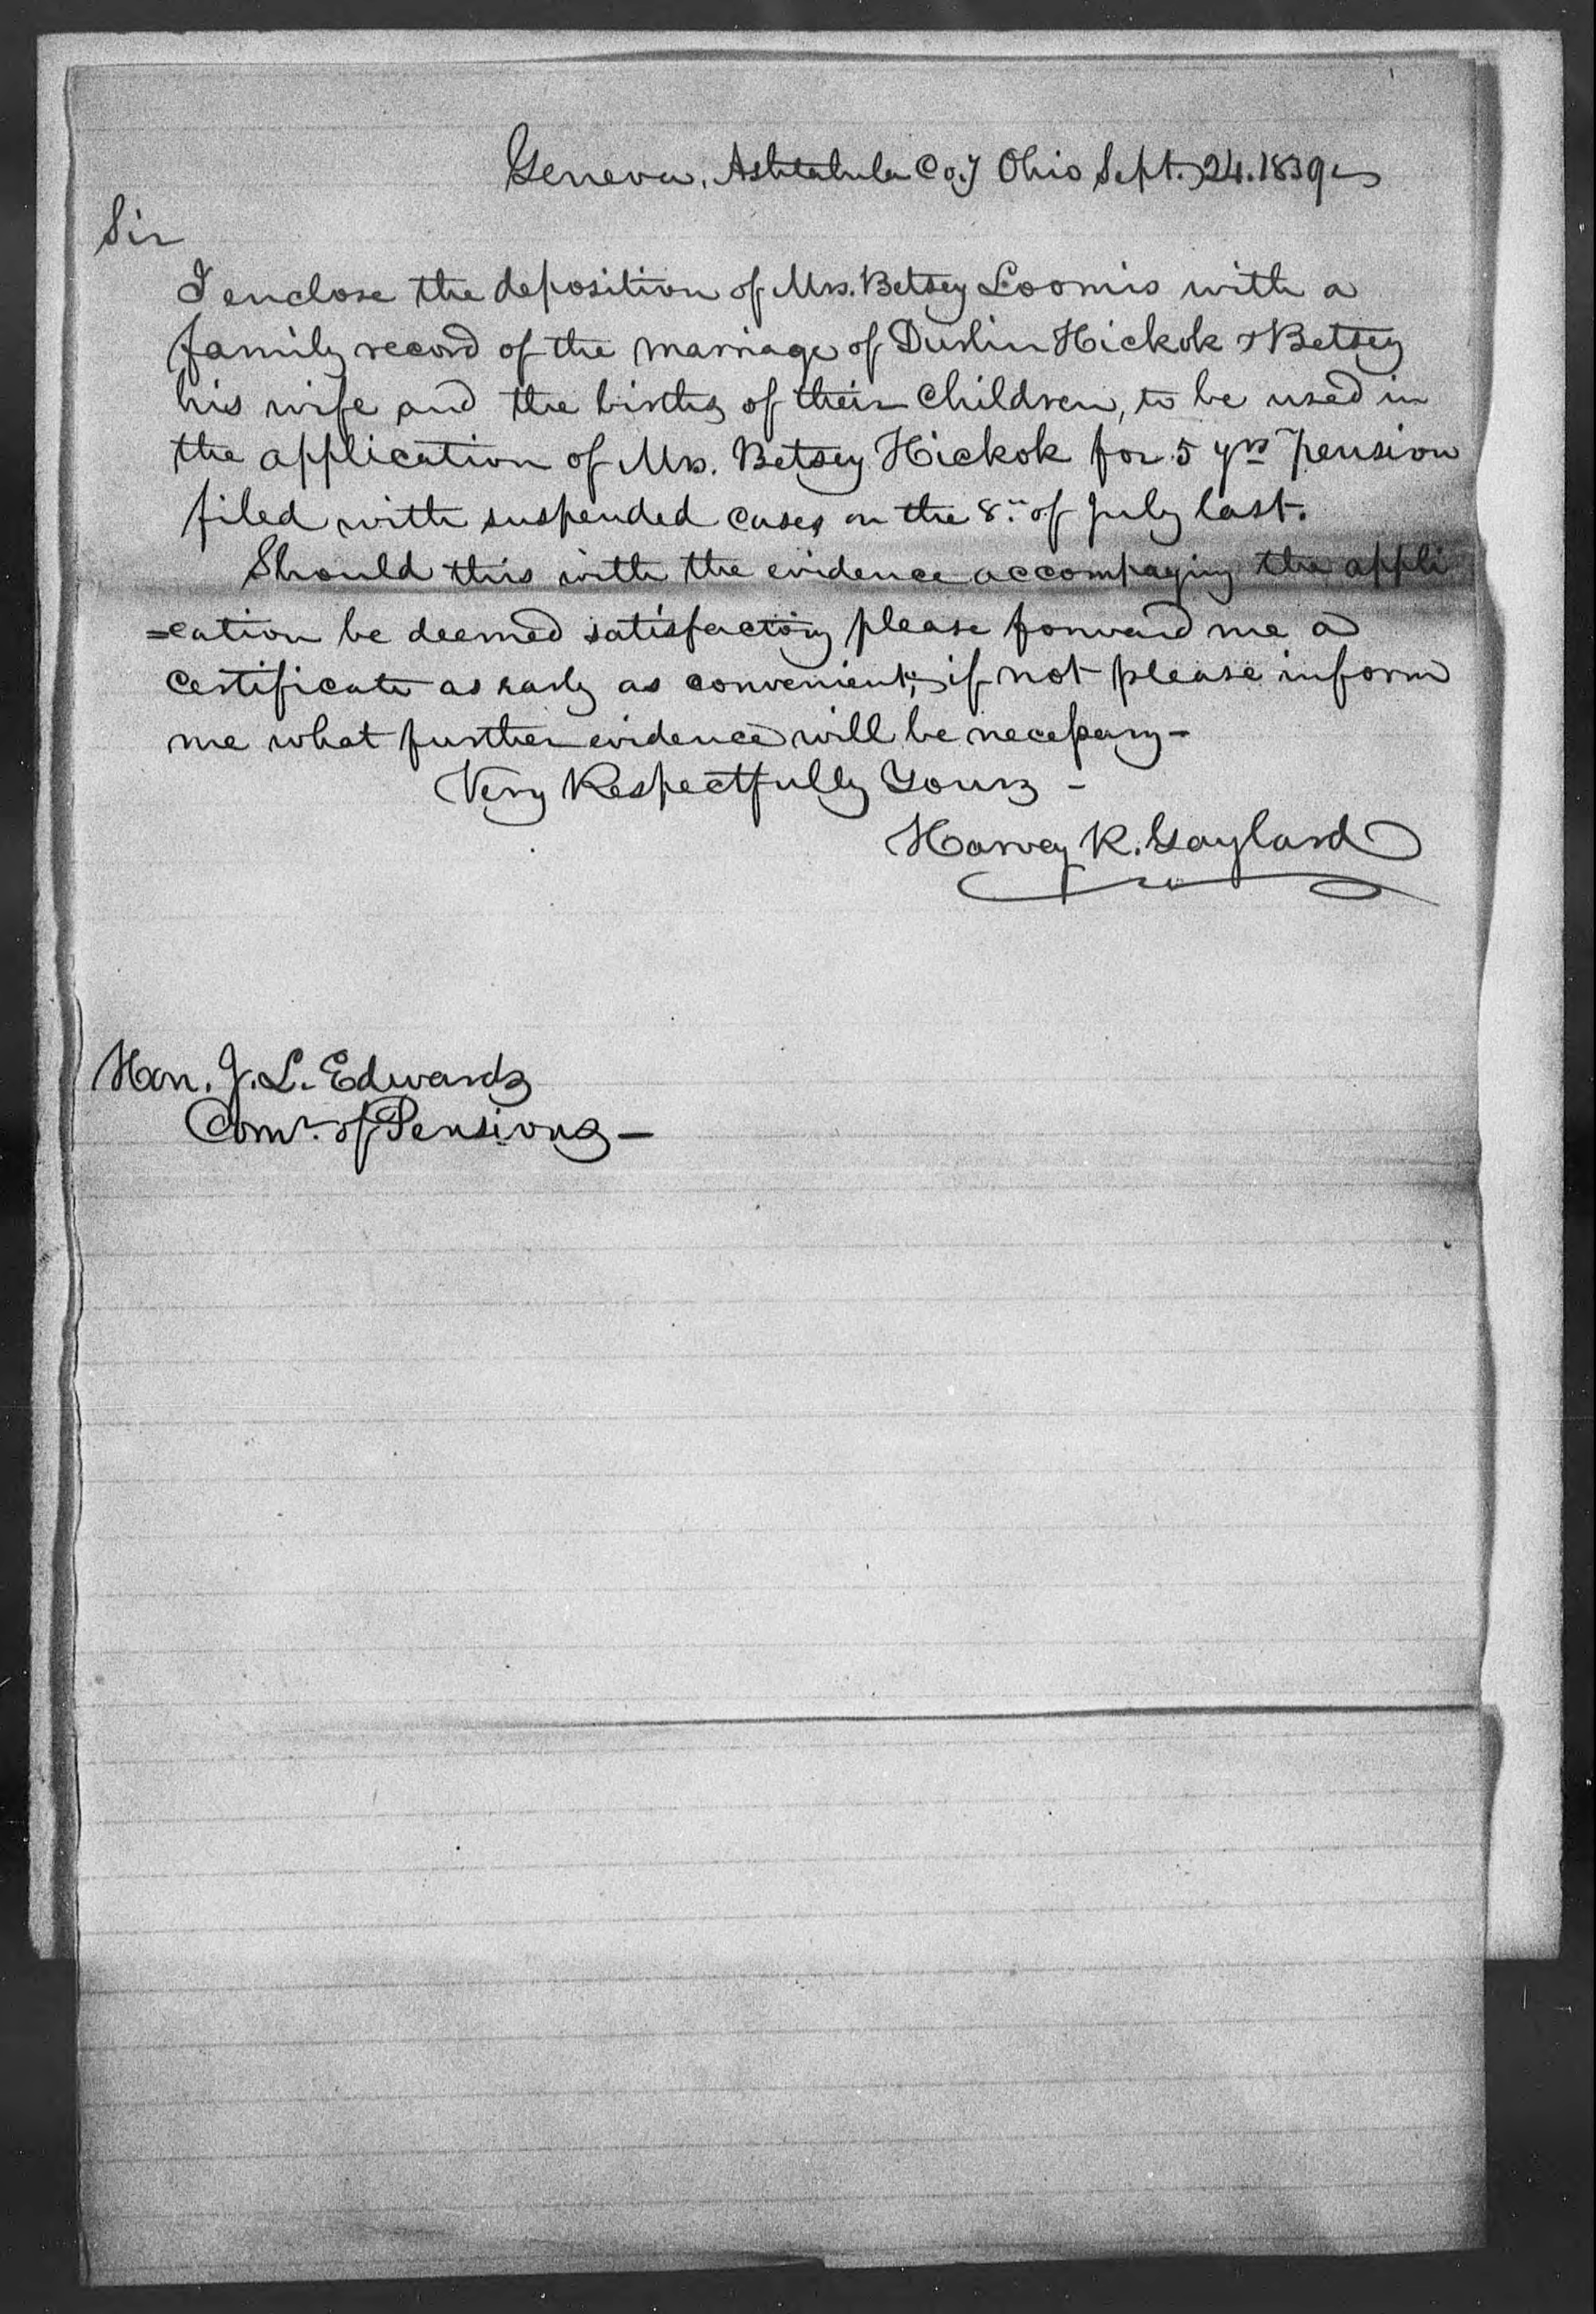Geneva, Ashtalula Co.y[County] Ohio Sept. 24. 1839-
Sir
I enclose the deposition of Mrs. Betsey Loomis with a family record of the marriage of Durlin Hickok + Betsey his wife and the births of their children, to be used in the application of Mrs. Betsey Hickok for 5 yrs pension filed with suspended cases on the 8.~ [8th] of July last.
Should this with the evidence accompaying [accompanying] the application be deemed satisfactory please forward me a certificate as early as convenient; if not please inform me what further evidence will be necessary.
Very Respectfully Yours-
Harvey R. Gaylard [flourish underneath]
Hon. J. L. Edwards
Comr [Commissioner] of Pensions-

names: Harvey R Gaylard, Betsey, J L Edwards, Betsey Loomis, Betsey Hickok, Durlin Hickok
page: 36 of 45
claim: widow's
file: W. 4988, Durlin Hickok, Mass.